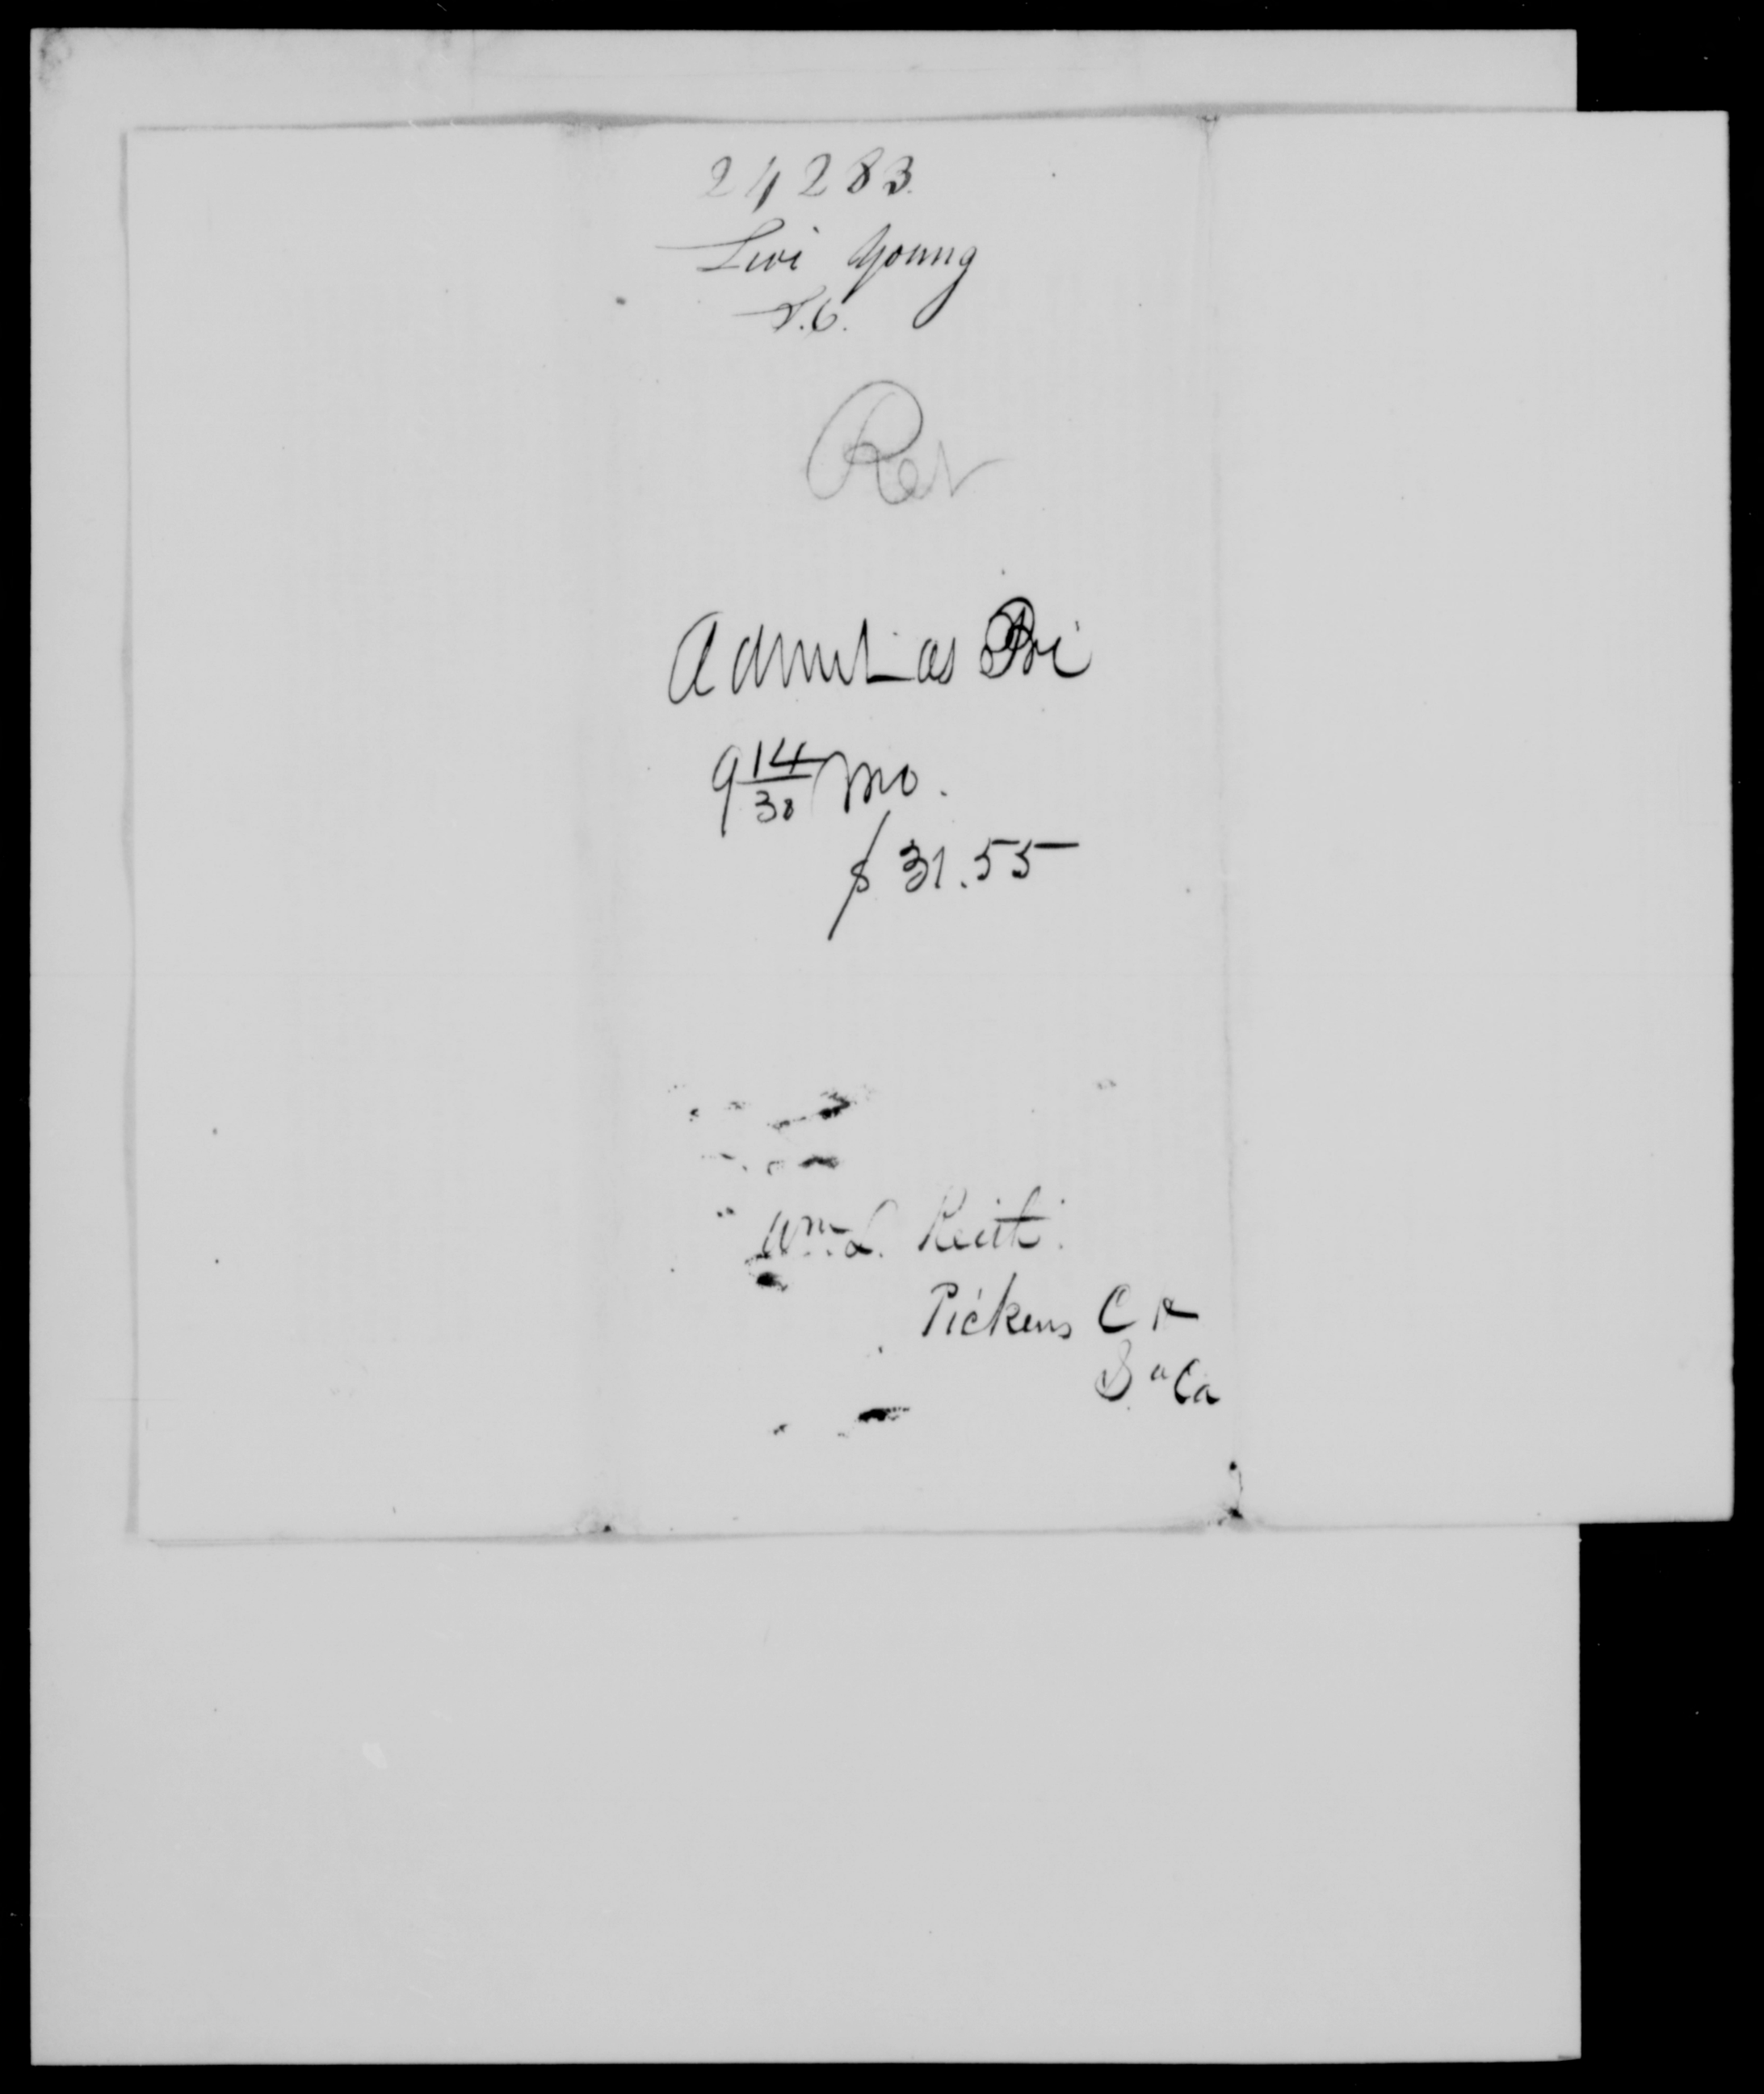24283
Levi Young
S.C. [South Carolina]

Rev [Revolutionary War]

Admit as Pri [private]
9 14/30 mo. [months]
$31.55

Wm. [William] L. Keith
Pickens CH [Court House]
So Ca [South Carolina]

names: Wm L Keith, Levi Young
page: 8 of 56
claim: widow's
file: W. 9040, Levi Young, Ga. New Jersey S.C.